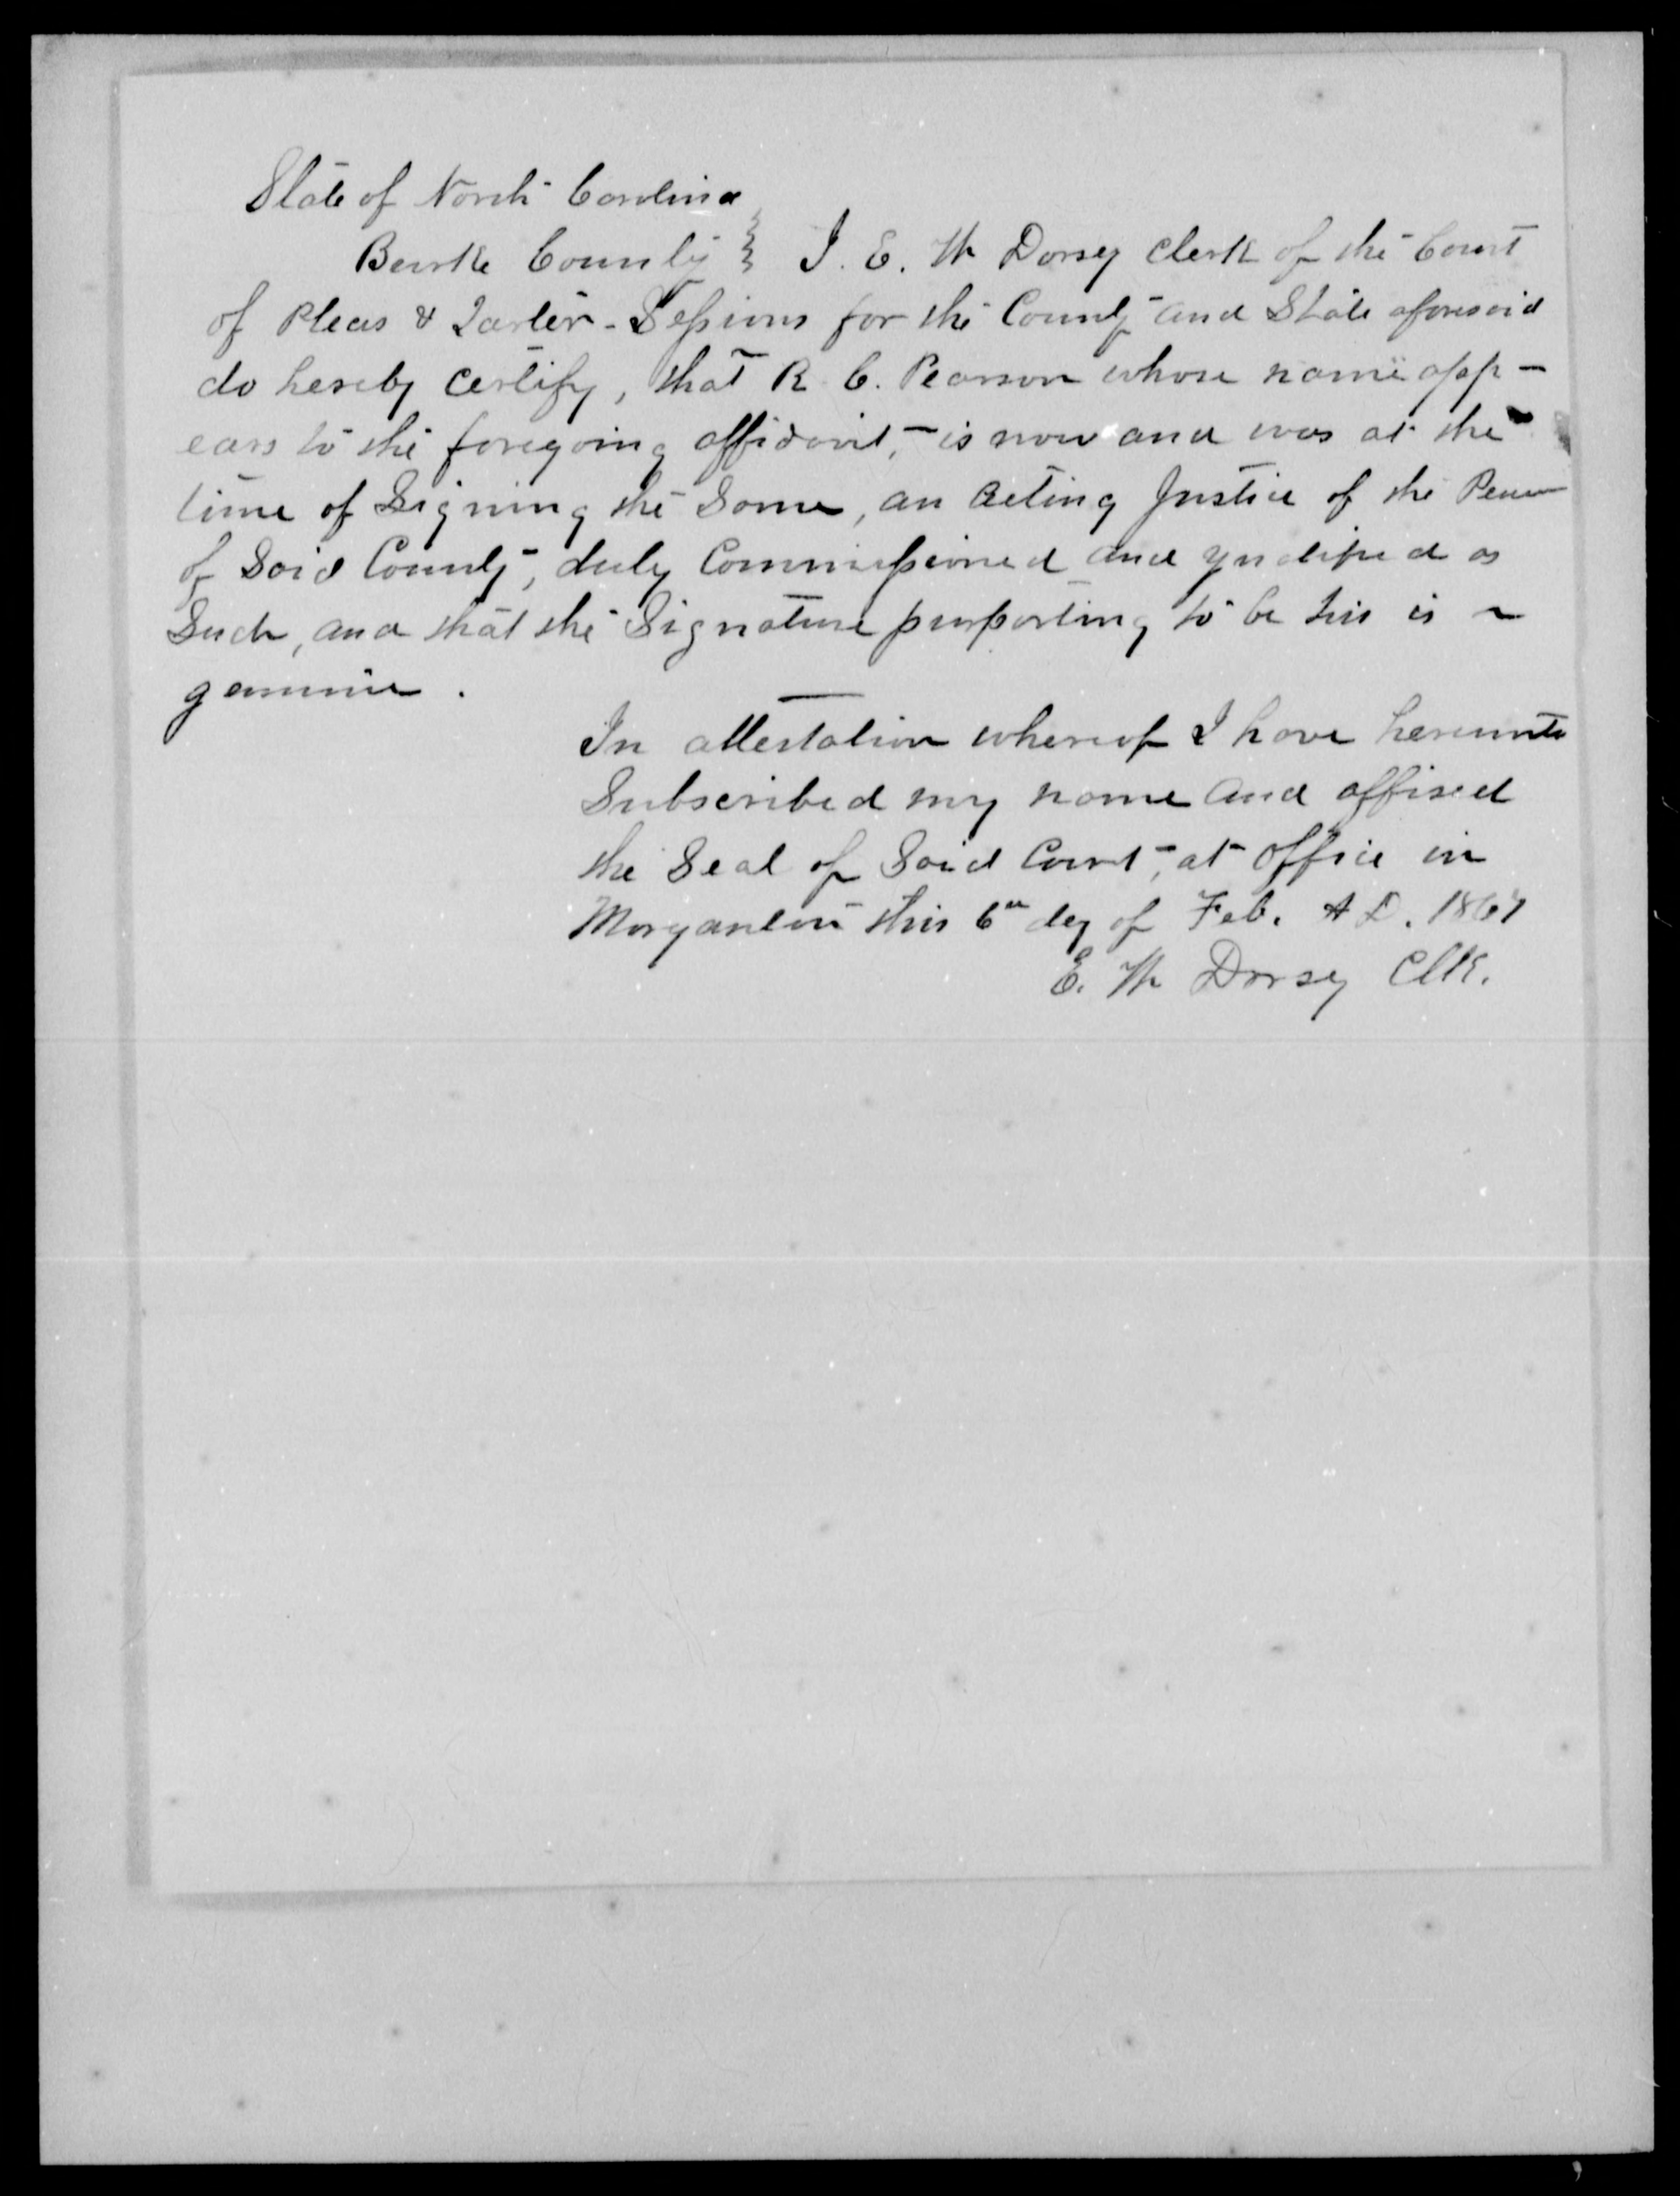State of North Carolina
Burke County ⎬ I E. W. Dorsey Clerk of the Court
of Pleas & Carter Sessions for the County and State aforesaid
do hereby certify, that R. C. Pearson whose name appears to the foregoing affidavit, is now and was at the
time of Signing the same, an acting Justice of the Peace
of said County, duly commissioned and qualified as
such, and that the signature purporting to be his is genuine
In attestation whereof I have hereunto
Subscribed my name and affixed
the seal of said Court, at office in
Morgantown this 6th day of Feb. AD. 1867
E. W Dorsey Clk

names: R C Pearson; E W Dorsey; E W Dorsey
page: 44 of 63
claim: widow's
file: W. 6158, for Benjamin Spencer, North Carolina